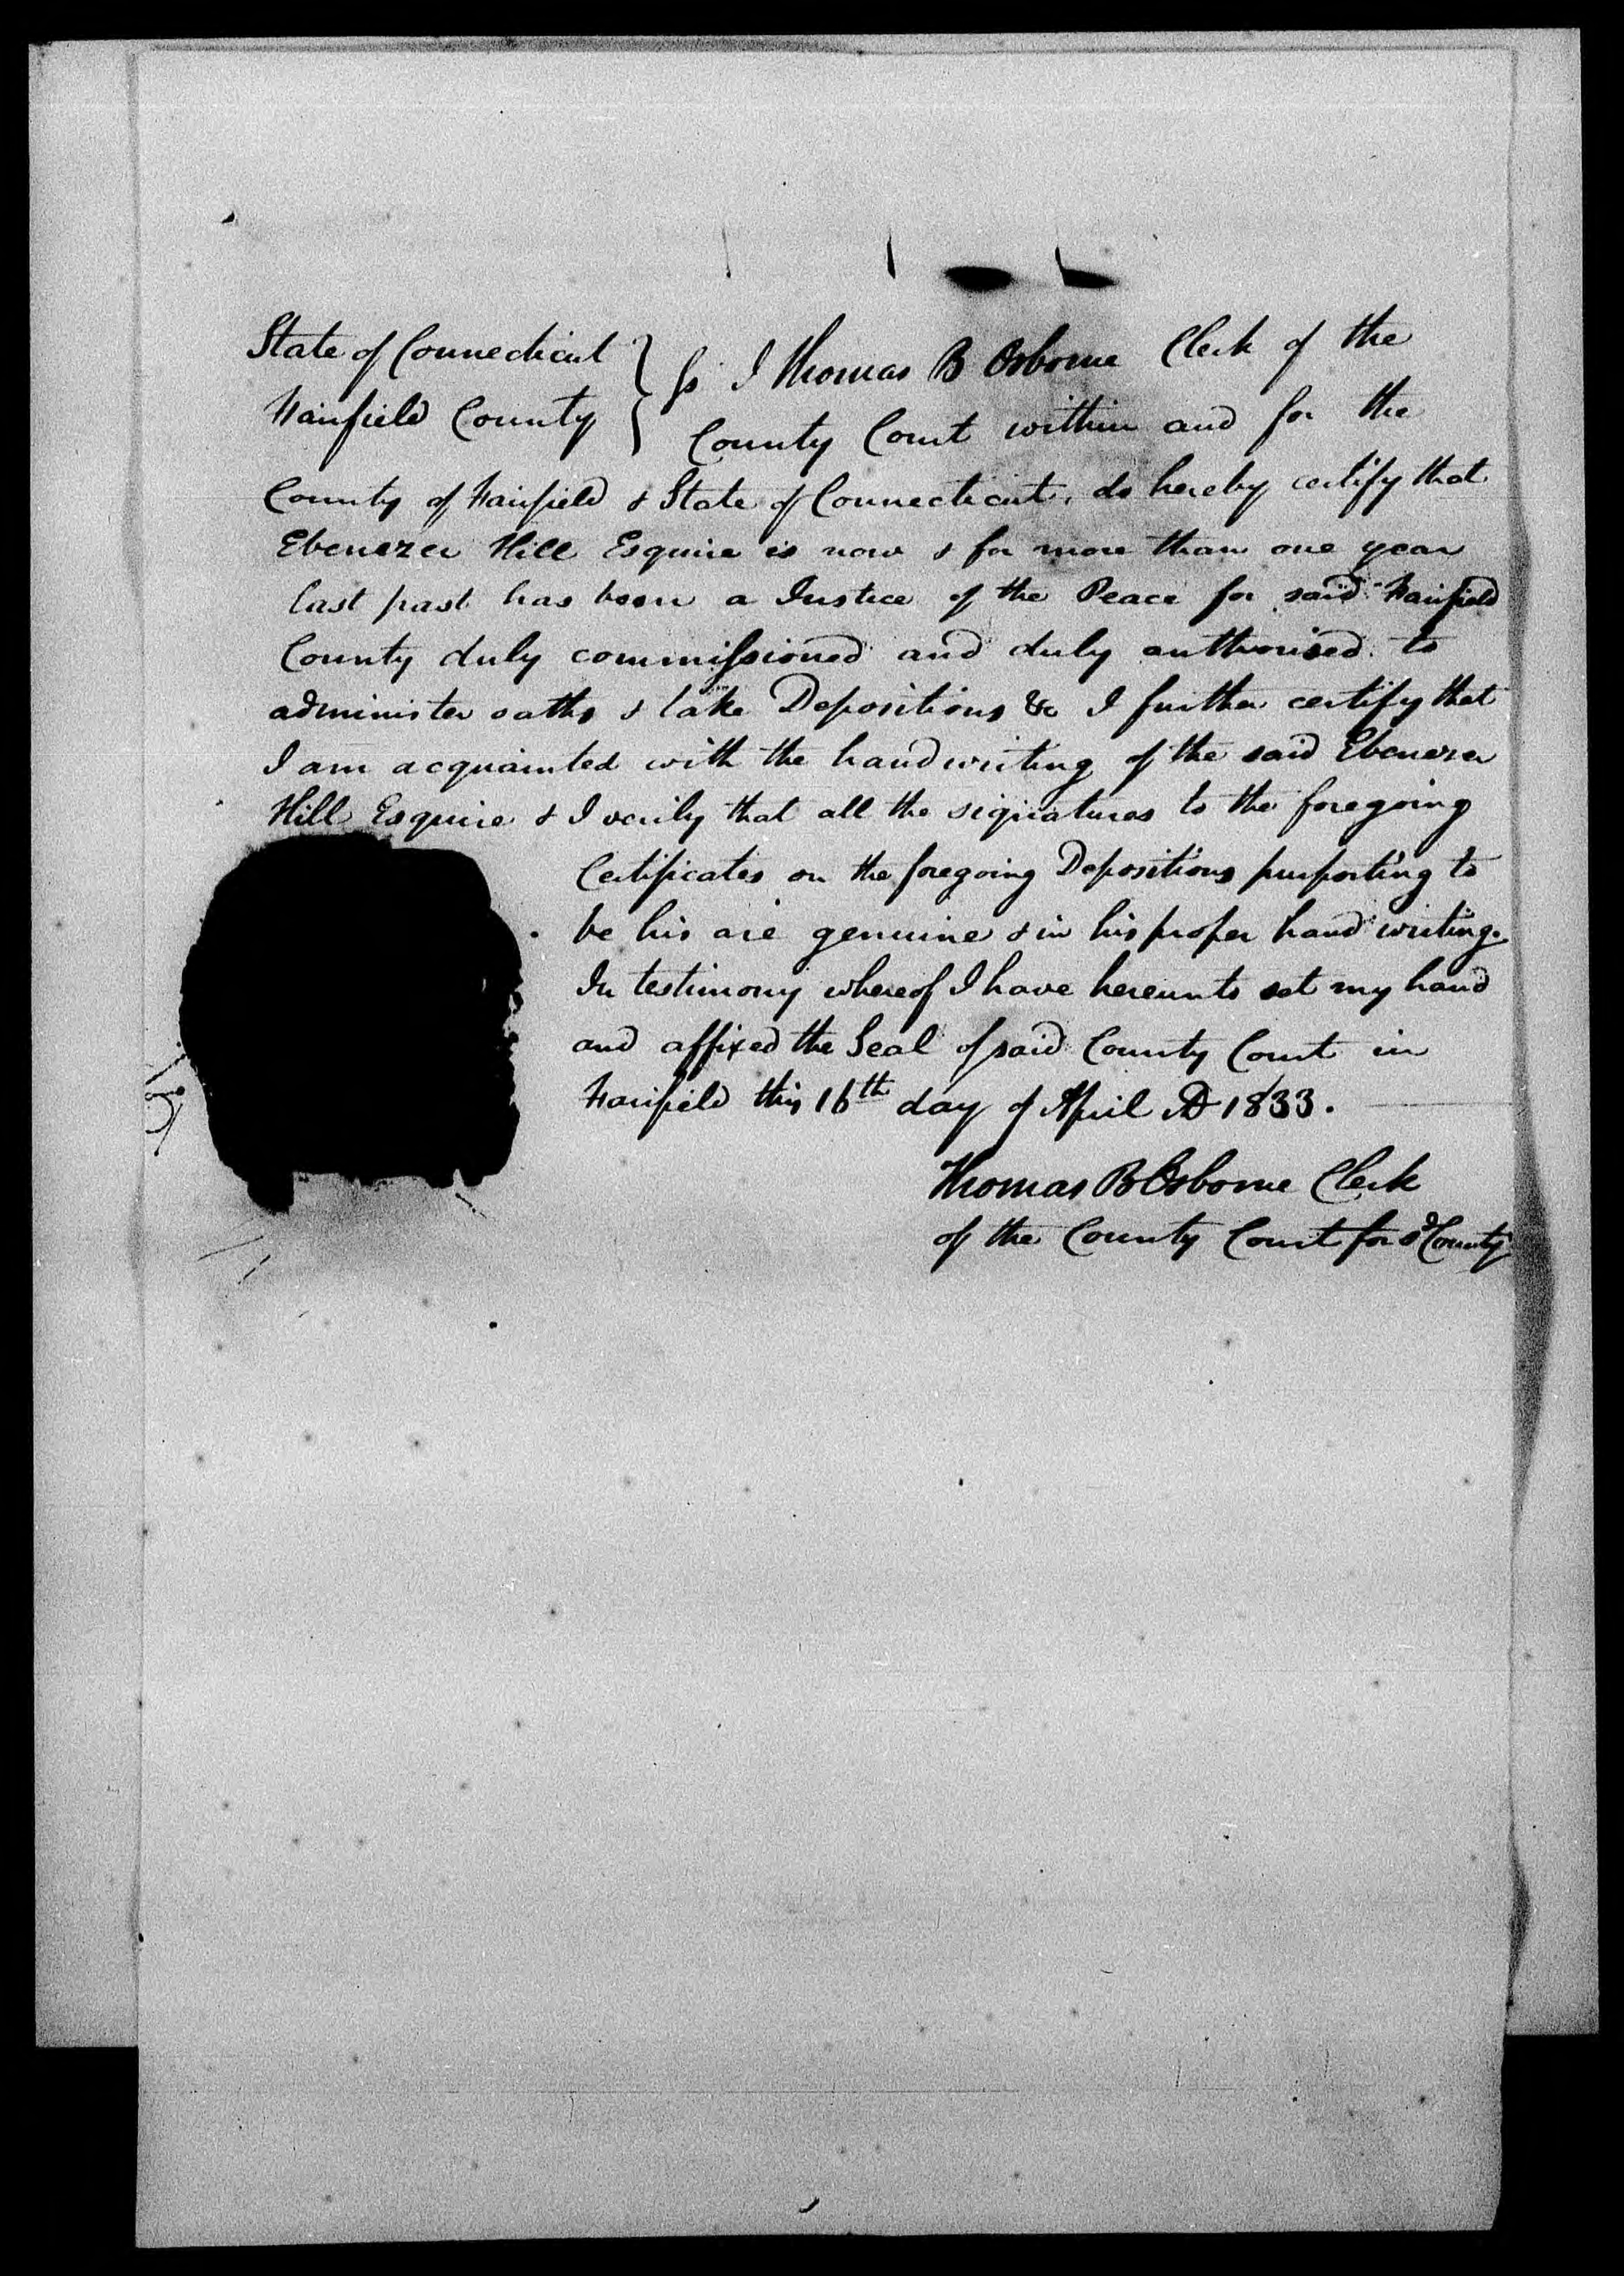State of Connecticut
Fairfield County  SS
I Thomas B Osborne Clerk of the
County Court within and for the
County of Fairfield & State of Connecticut do hereby certify that Ebenezer Hill Esquire is now & for more than one year last past has been a Justice of the Peace for said Fairfield
County duly commissioned and duly authorized to administer oaths & take depositions & I further certify that
I am acquainted with the hand writing
of the said Ebenezer Hill Esquire & I verily that all the signatures to the foregoing Certificates on the foregoing Depositions purporting to 
be his are genuine & in his proper hand writing
In testimony whereof I have hereunto set my hand and affixed the Seal of said County Court in Fairfield this 16th day of April AD 1833
Thomas B Osborne Clerk
of the County Court for sd County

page: 25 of 29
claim: survivor's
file: S. 23,312, for Samuel Mallery, Connecticut